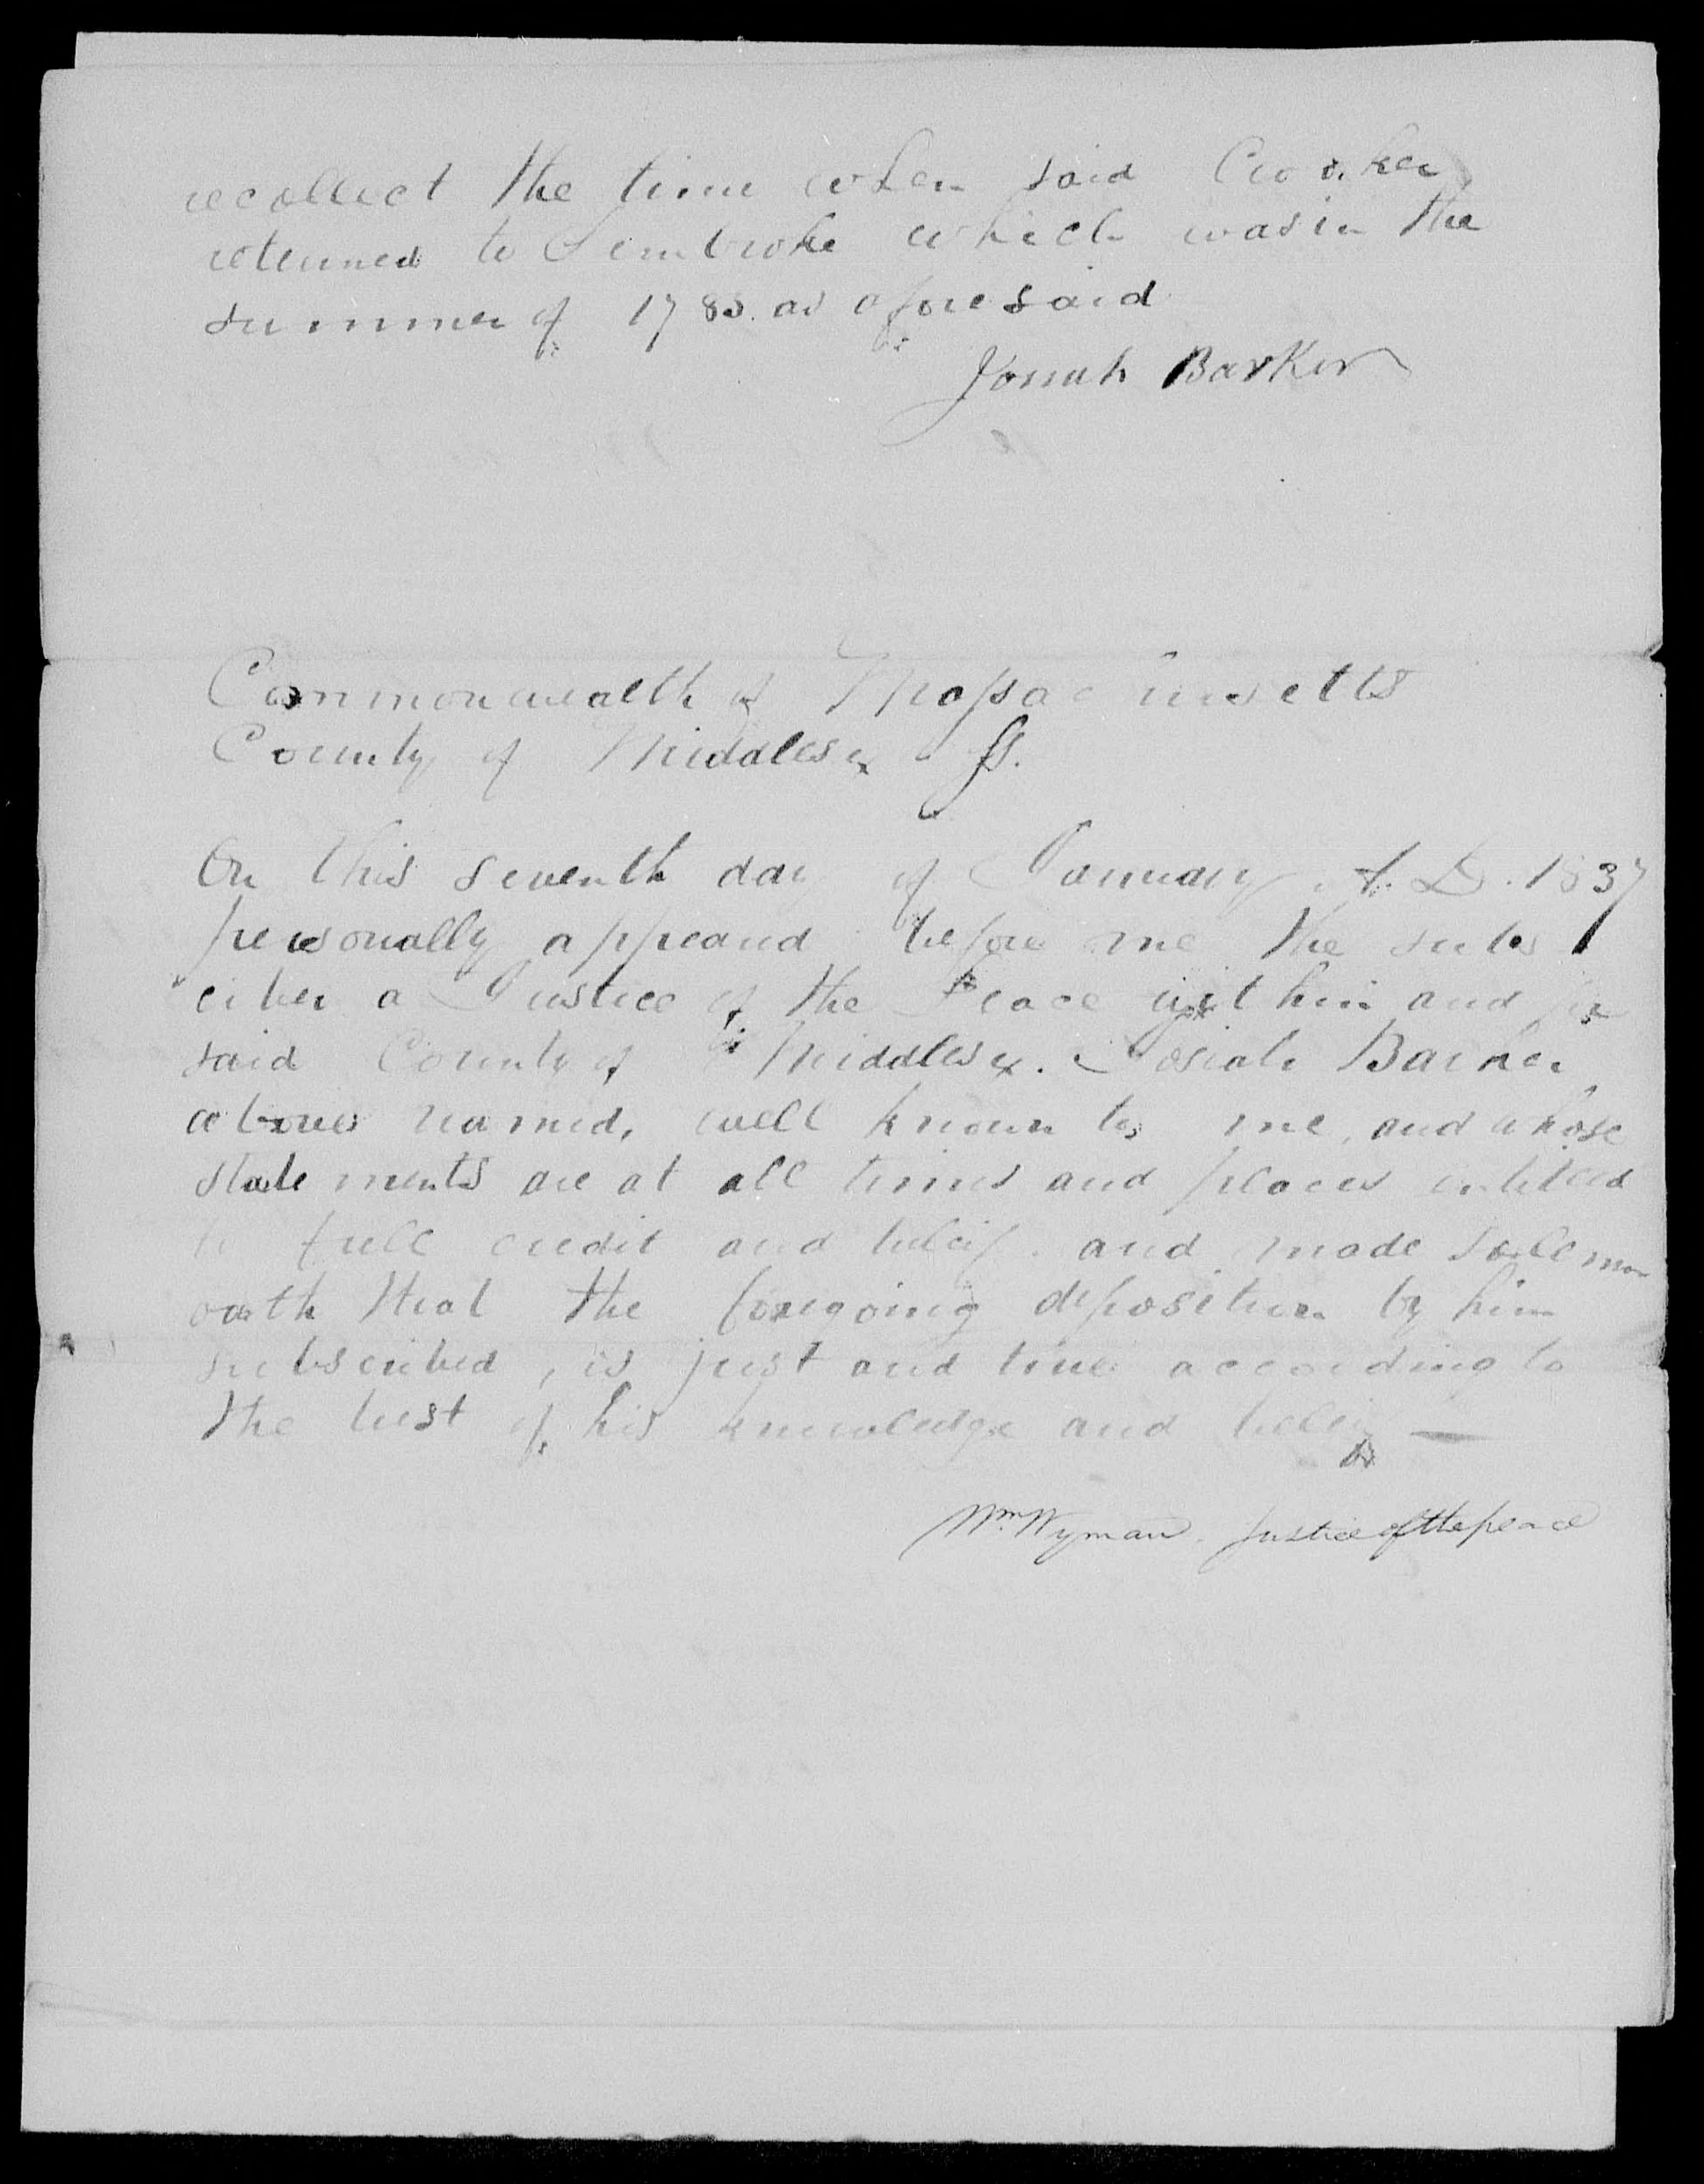recollect the time when said Crooker returned to Pembroke which was in the summer of 1783 as aforesaid.

Josiah Barker



Commonwealth of Massachusetts
County of Middlesex

On this seventh day of January AD 1837 personally appeared before me the subscriber a Justice of the Peace in and for said County of Middlesex, Josiah Barker, above named, well known to me and whose statements are at all times and places entitled to full credit and belief, and made solemn oath that the foregoing deposition by him subscribed is just and true according to the best of his recollection and belief.

William Wyman
Justice of the Peace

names: Crooker, Wm Wyman, Josiah Barker, Josiah Barker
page: 18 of 33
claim: widow's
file: W. 22862, Tilden Crooker, Mass Navy